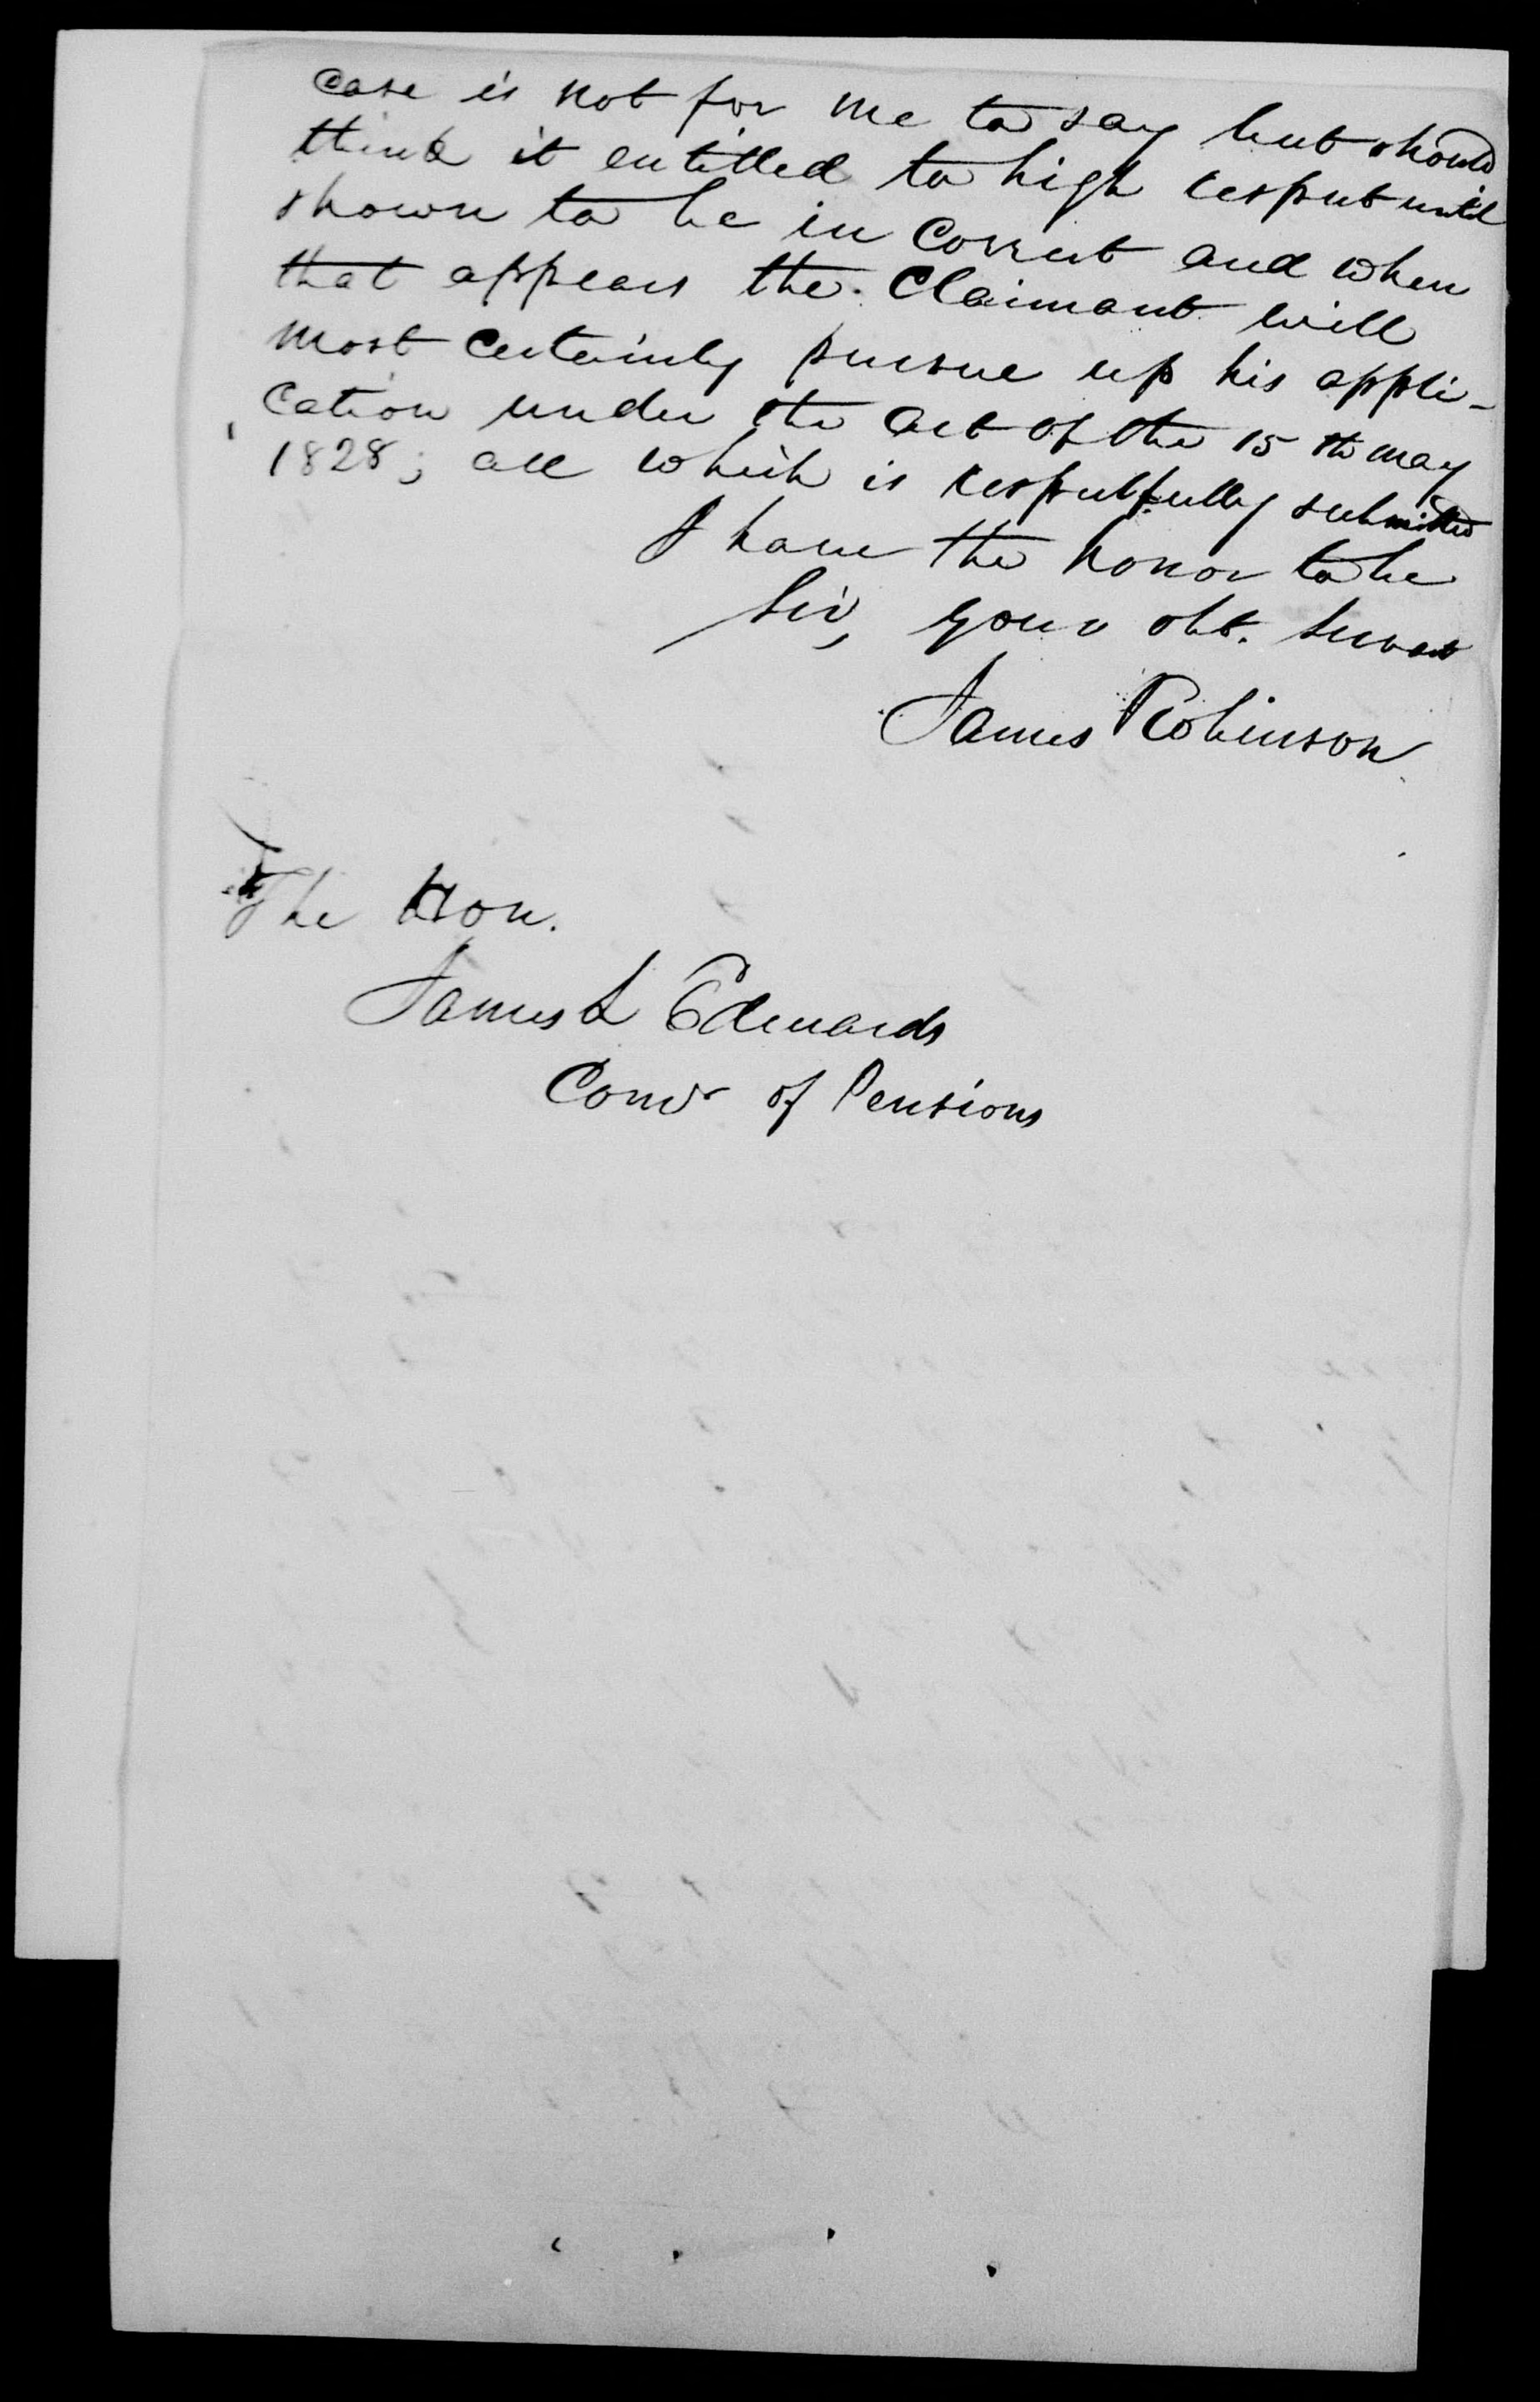case is not for me to say but should
think it entitled to high respect until
shown to be in correct and when 
that appears the claimant will
most certainly pursue up his appli-
cation under the act of the 15th May
1828; all of which is respectfully submitted
	I have the honor to be
	Sir, your obt. servant

	James Robinson [signature]

The Hon. 
James L. Edwards
Commr of Pensions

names: James Robinson, James L Edwards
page: 36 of 40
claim: rejected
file: R. 1,570, Samuel Culver, New Jersey